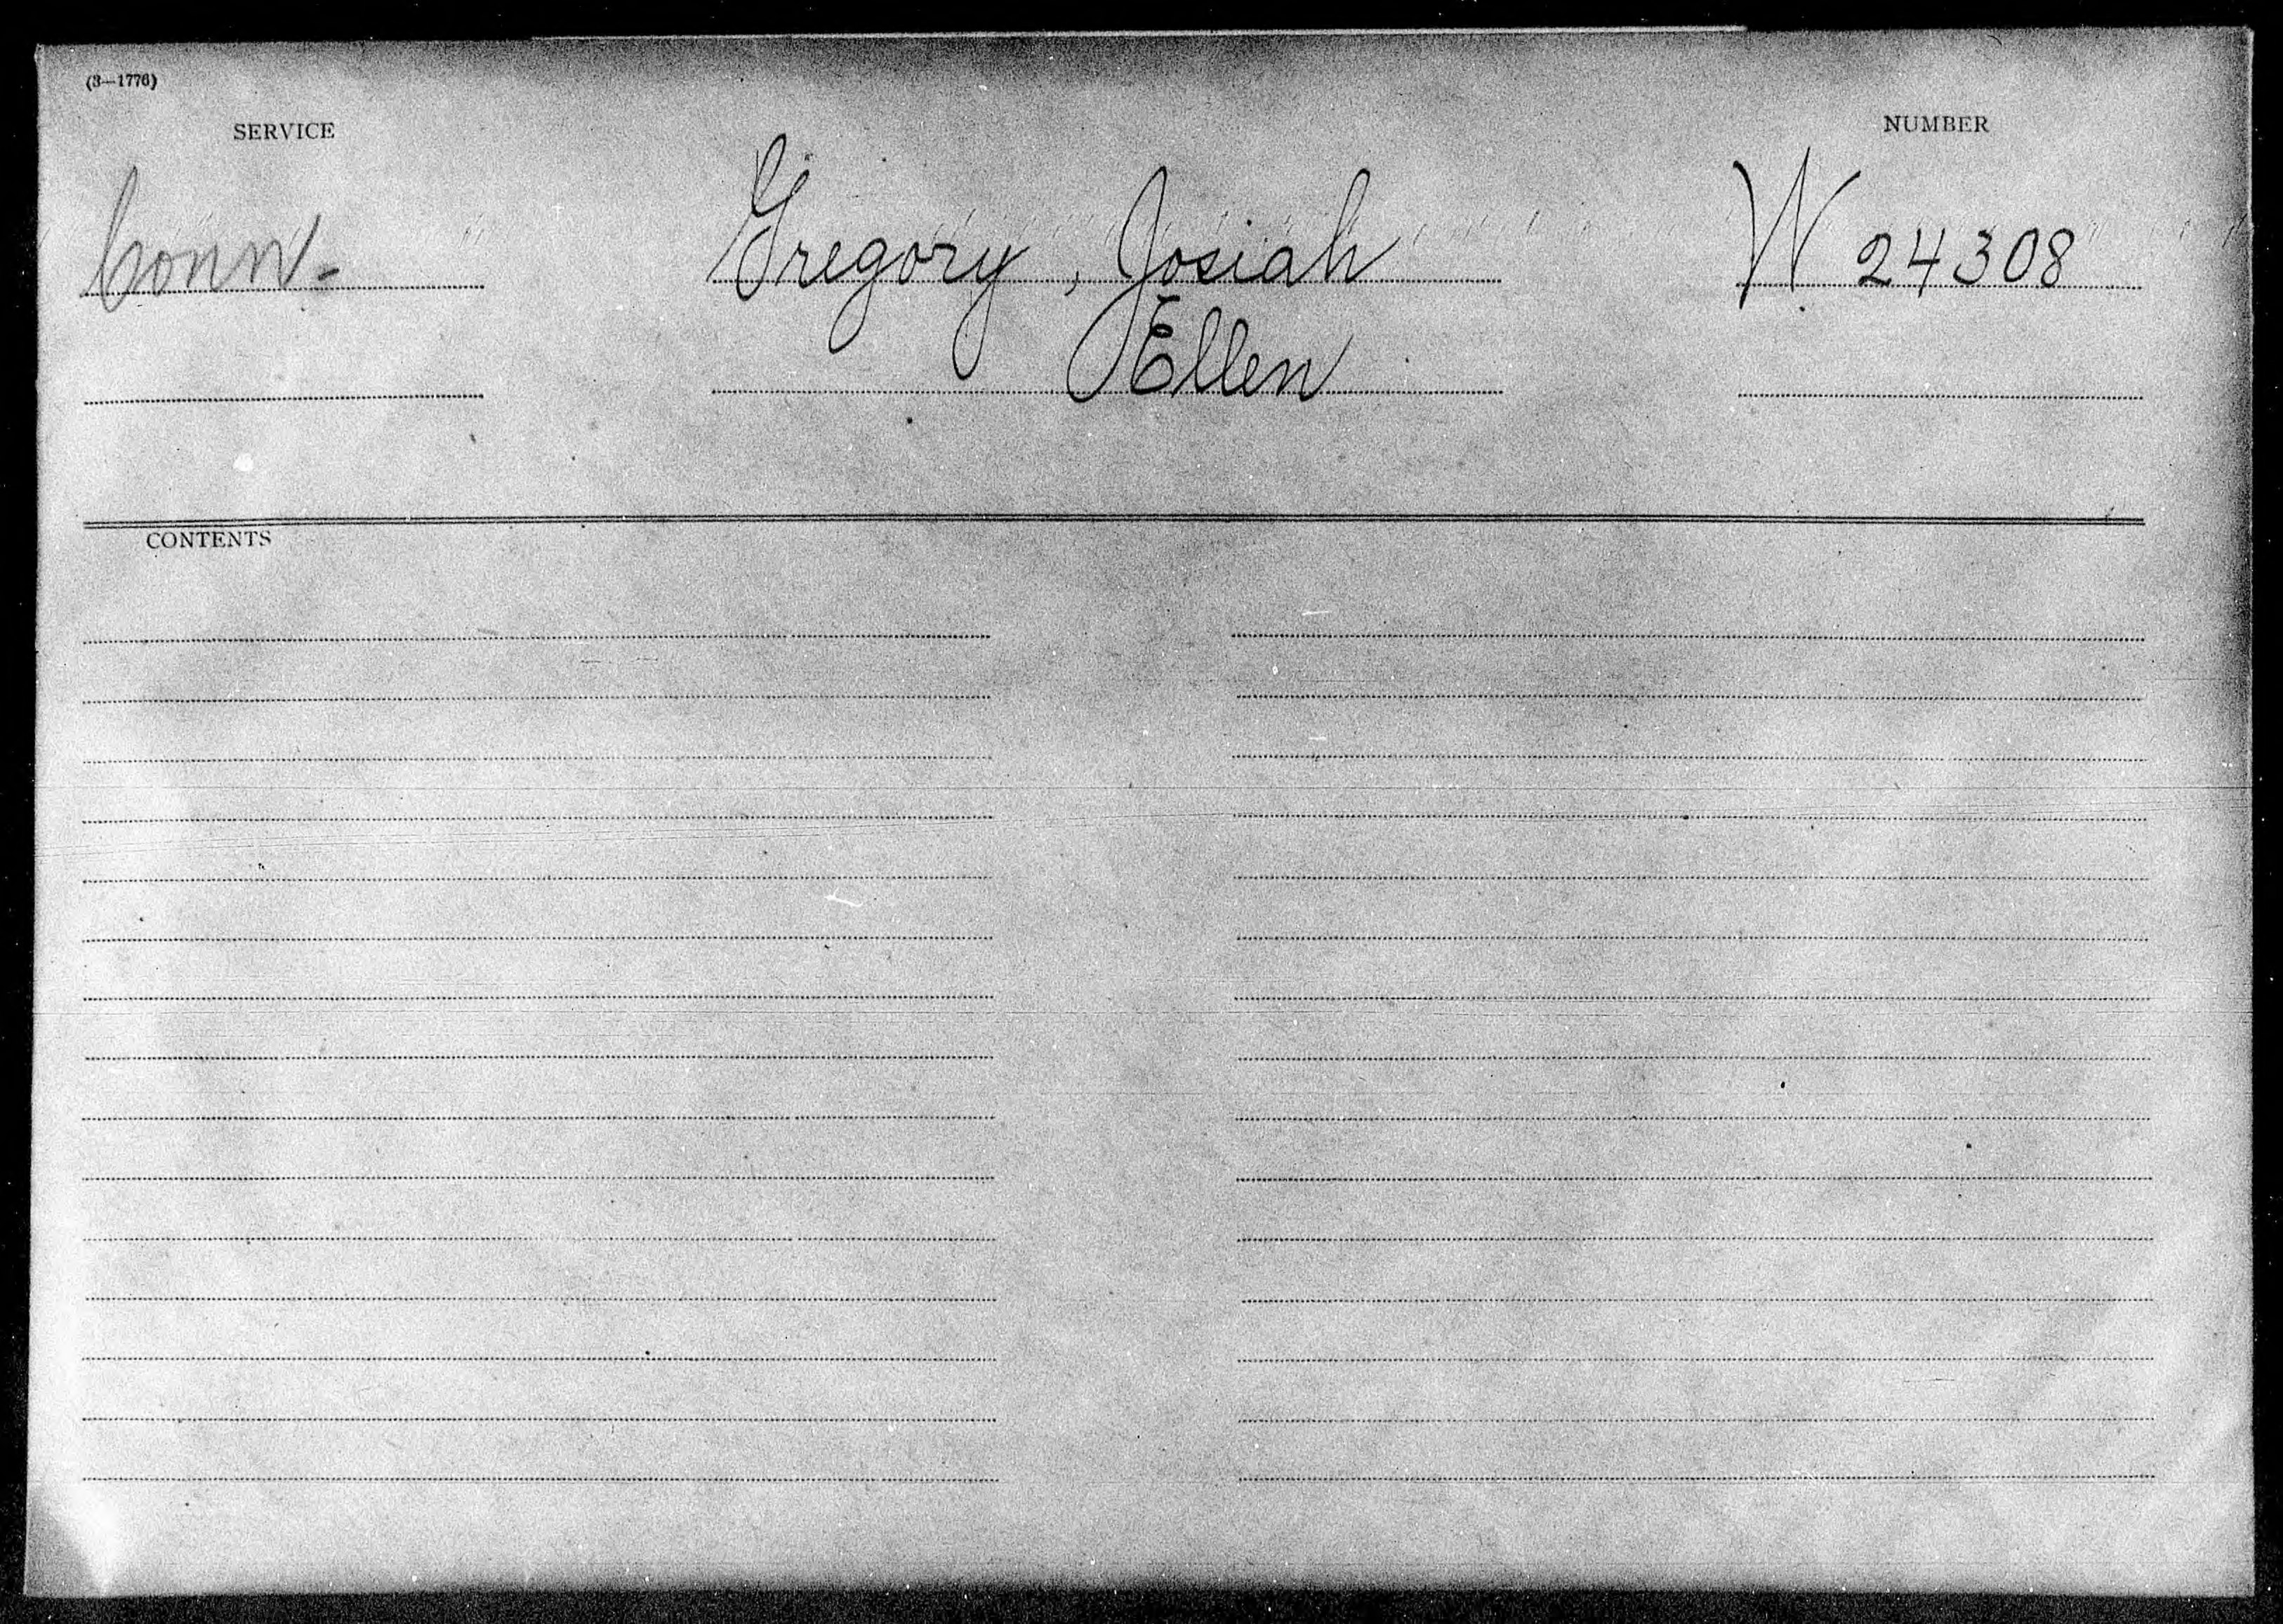Service
Conn.

Gregory, Josiah 
              Ellen

Number
W24308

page: 1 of 49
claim: widow's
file: W 24308, Josiah Gregory, Conn.